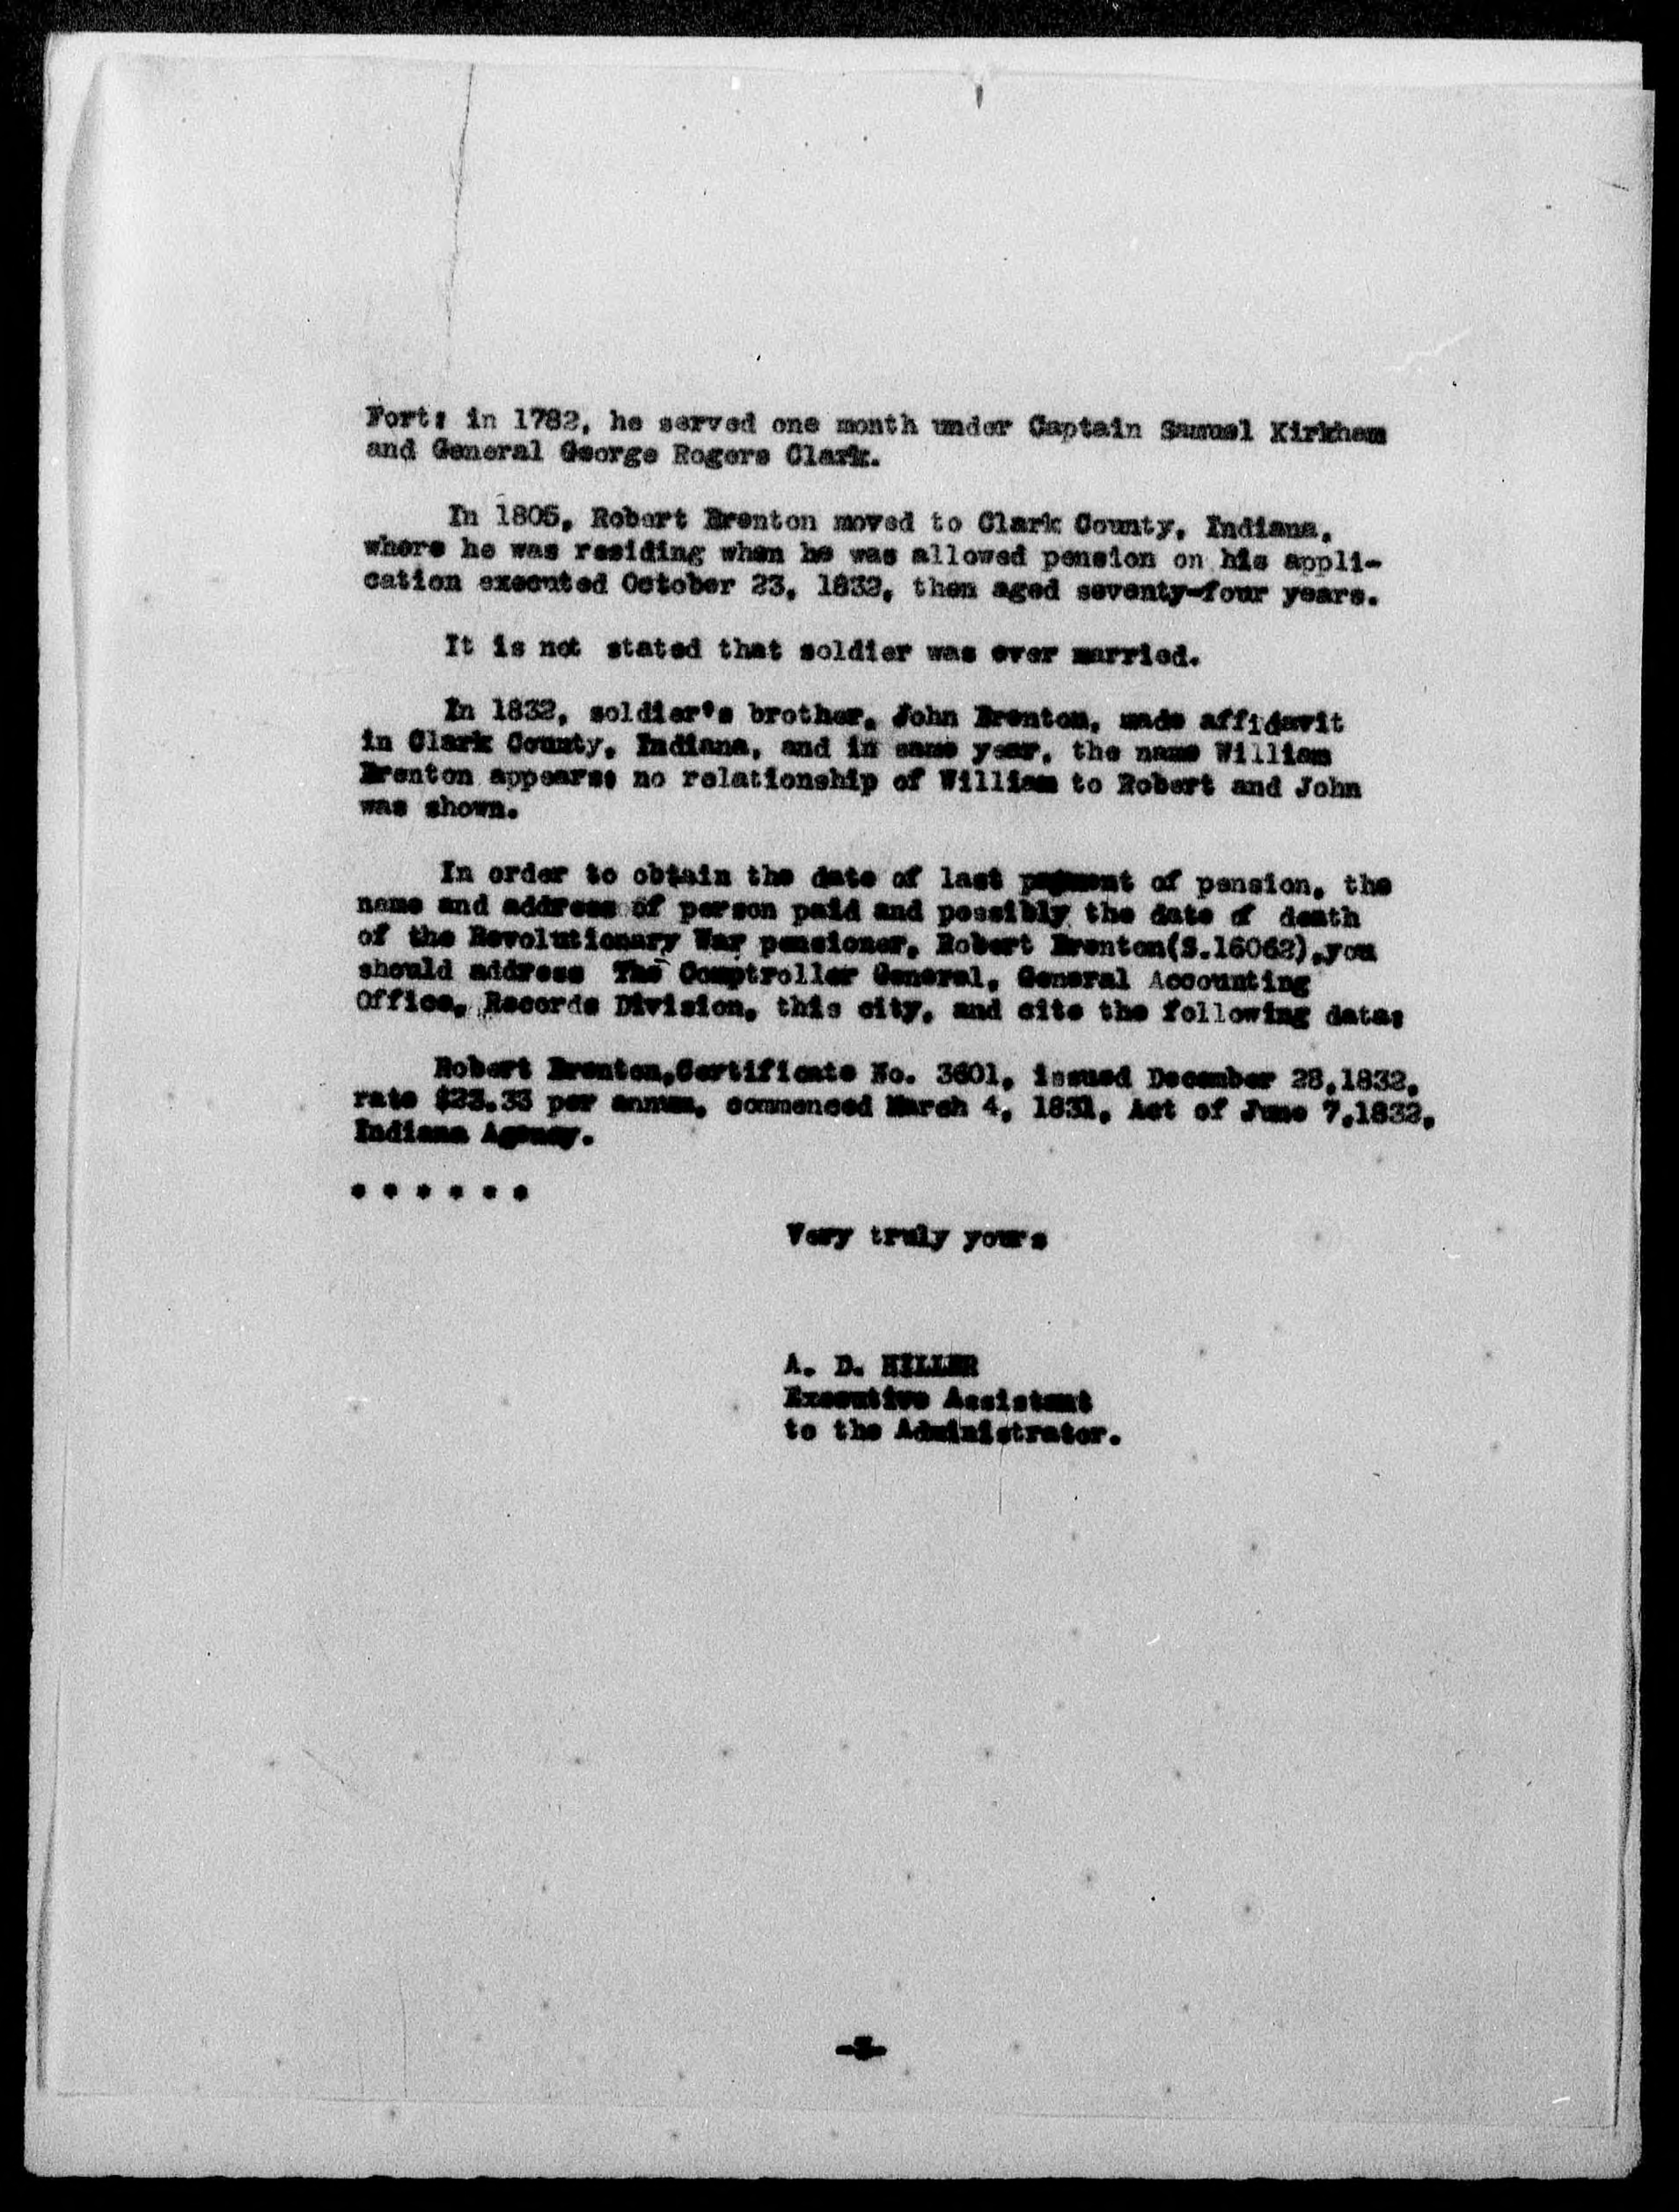Fort; in 1782, he served one month under Captain Samuel Kirkham and General George Rogers Clark.
In 1806, Robert Brenton moved to Clark County, Indiana, where he was residing when he was allowed pension on his application executed October 23, 1832, then aged seventy-four years.
It is not stated that soldier was ever married.
In 1832, soldier's brother, John Brenton, made affidavit in Clark County, Indiana, and in same year, the same William Brenton appears no relationship of William to Robert and John was shown.
In order to obtain the date of last payment of pension, the name and address of person paid and possibly the date of death of the Revolutionary War pensioner, Robert Brenton (S.16062), you should address The Comptroller General, General Accounting Office, Records Division, this city, and cite the following data:
Robert Brenton, Certificate No. 3601, issued December 28, 1832, rate $23.33 per annum, commenced March 4, 1832, Act of June 7, 1832, Indiana Agency.
Very truly yours
A. D. Miller
Executive Assistant
to the Administrator
 [page] 3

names: Robert Brenton, John, William Brenton, John Brenton, George Rogers Clark, William, Robert Brenton, Robert Brenton, Robert, Samuel Kirkham, A D Hiller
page: 13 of 26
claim: survivor's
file: S. 16059, John Brenton, Penn. Va.